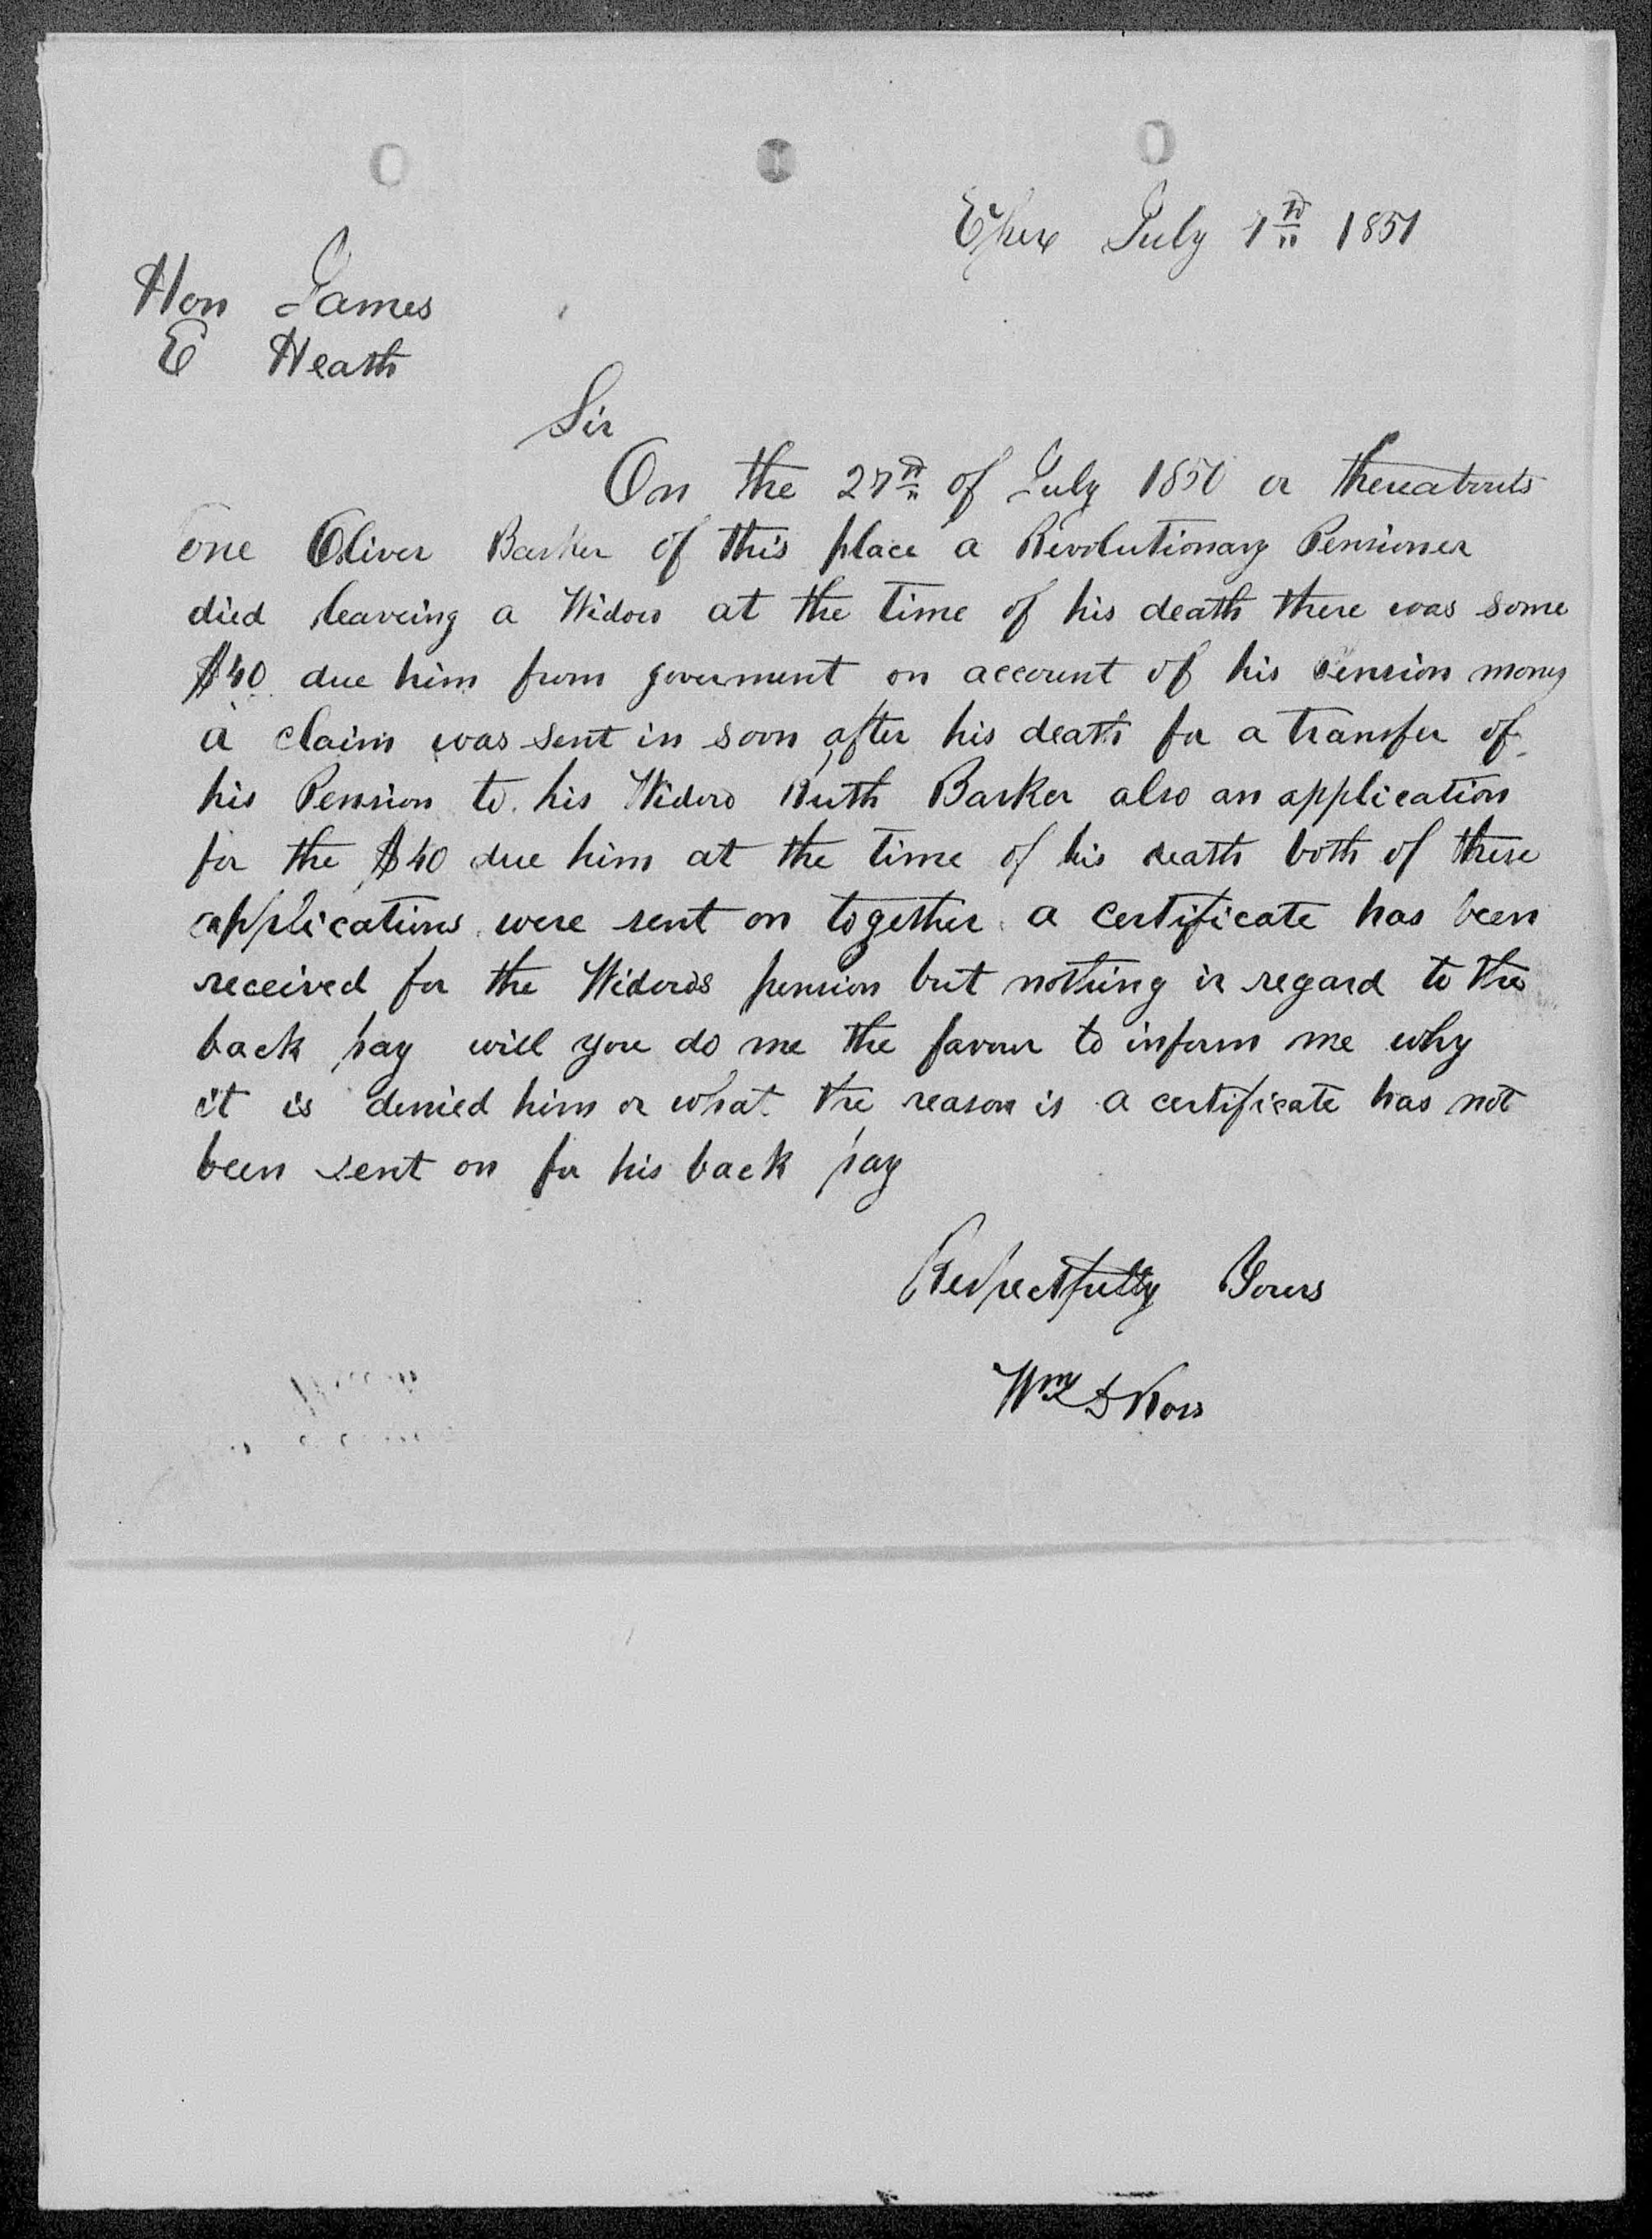Essex July 1st 1851 
Hon James E. Heath
Sir
On the 27th of July 1850 or thereabouts one Oliver Barker of this place a Revolutionary Pensioner died leaving a widow -  at the time of his death there was some $50 due him from government on account of his pension money - a claim was sent in soon after his death for a transfer of his pension to his Widow Ruth Barker also an application for the $40 due him at the time of his death both of these applications were sent on together a certificate has been received for the widows pension but nothing in regard to the back pay - will you do me the favour to inform me why it is denied him or what the reason is a certificate has not been sent on for his back 
Respectfully Yours 
Wm D. Ross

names: Wm D Ross, Ruth Barker, James E Heath, Oliver Barker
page: 48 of 51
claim: widow's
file: W. 1698, Oliver Barker, Conn.